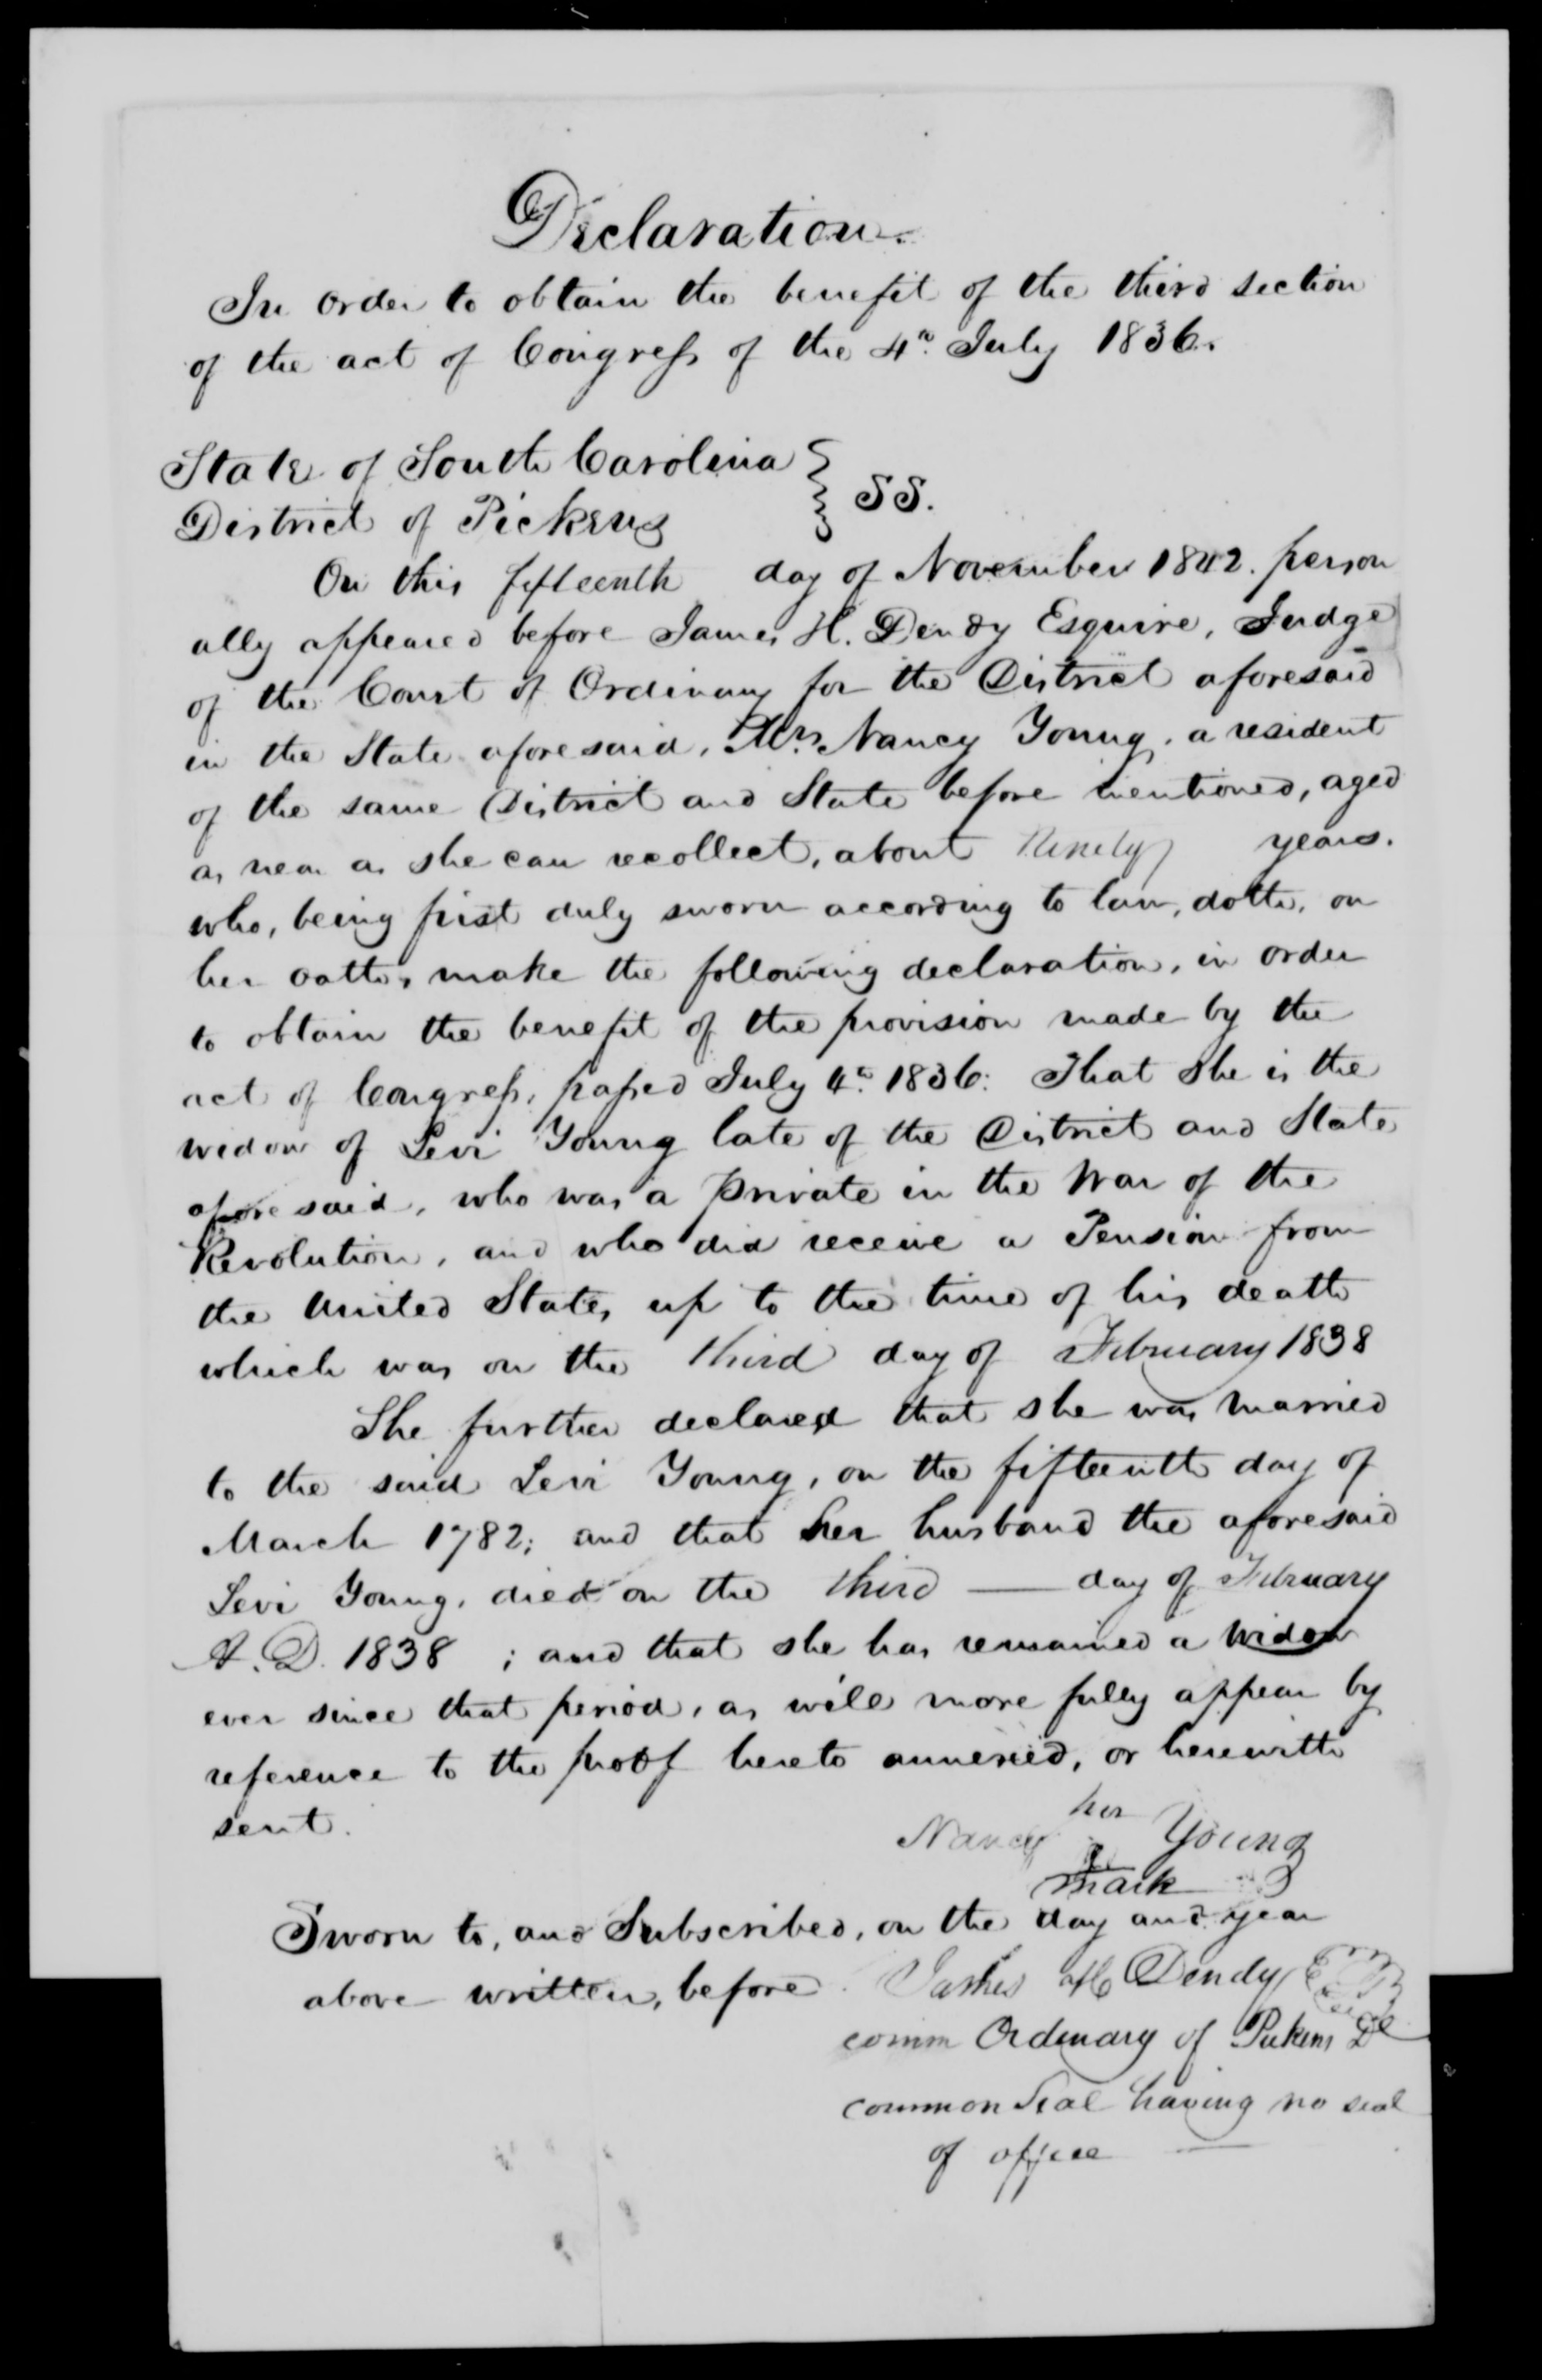Declaration
In order to obtain the benefit of the third section
of the act of congress of the 4th July 1836.

State of South Carolina { SS.
District of Pickens {
On this fifteenth day of November 1842 person
ally appeared before James H. Dendy Esquire, Judge
of the Court of Ordinary for the District aforesaid
in the State aforesaid, Mrs. Nancy Young, a resident 
of the same District and State before mentioned, aged
as near as she can recollect, about ninety years
who, being first duly sworn according to law, doth, on
her oath, make the following declaration, in order
to obtain the benefit of the provision made by the
act of Congress, passed July 4th 1835.  That she is the
widow of Levi Young late of the District and State
aforesaid, who was a private in the war of the
Revolution, and who did receive a Pension from
the United States up to the time of his death
which was on the third day of February 1838
She further declared that she was married
to the said Levi Young, on the fifteenth day of
March 1782; and that her husband the aforesaid
Levi Young, died on the third day of February
A.D. 1838; and that she has remained a widow
ever since that period, as will more fully appear by
reference to the proof hereto annexed, or herewith sent.
Nancy (her mark) Young
Sworn to, and Subscribed, on the day and year
above written, before James H Dendy
comm Ordinary of Pickens D. [District]
common Seal having no seal
of office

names: James H Dendy, Nancy Young, Levi Young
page: 17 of 56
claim: widow's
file: W. 9040, Levi Young, Ga. New Jersey S.C.